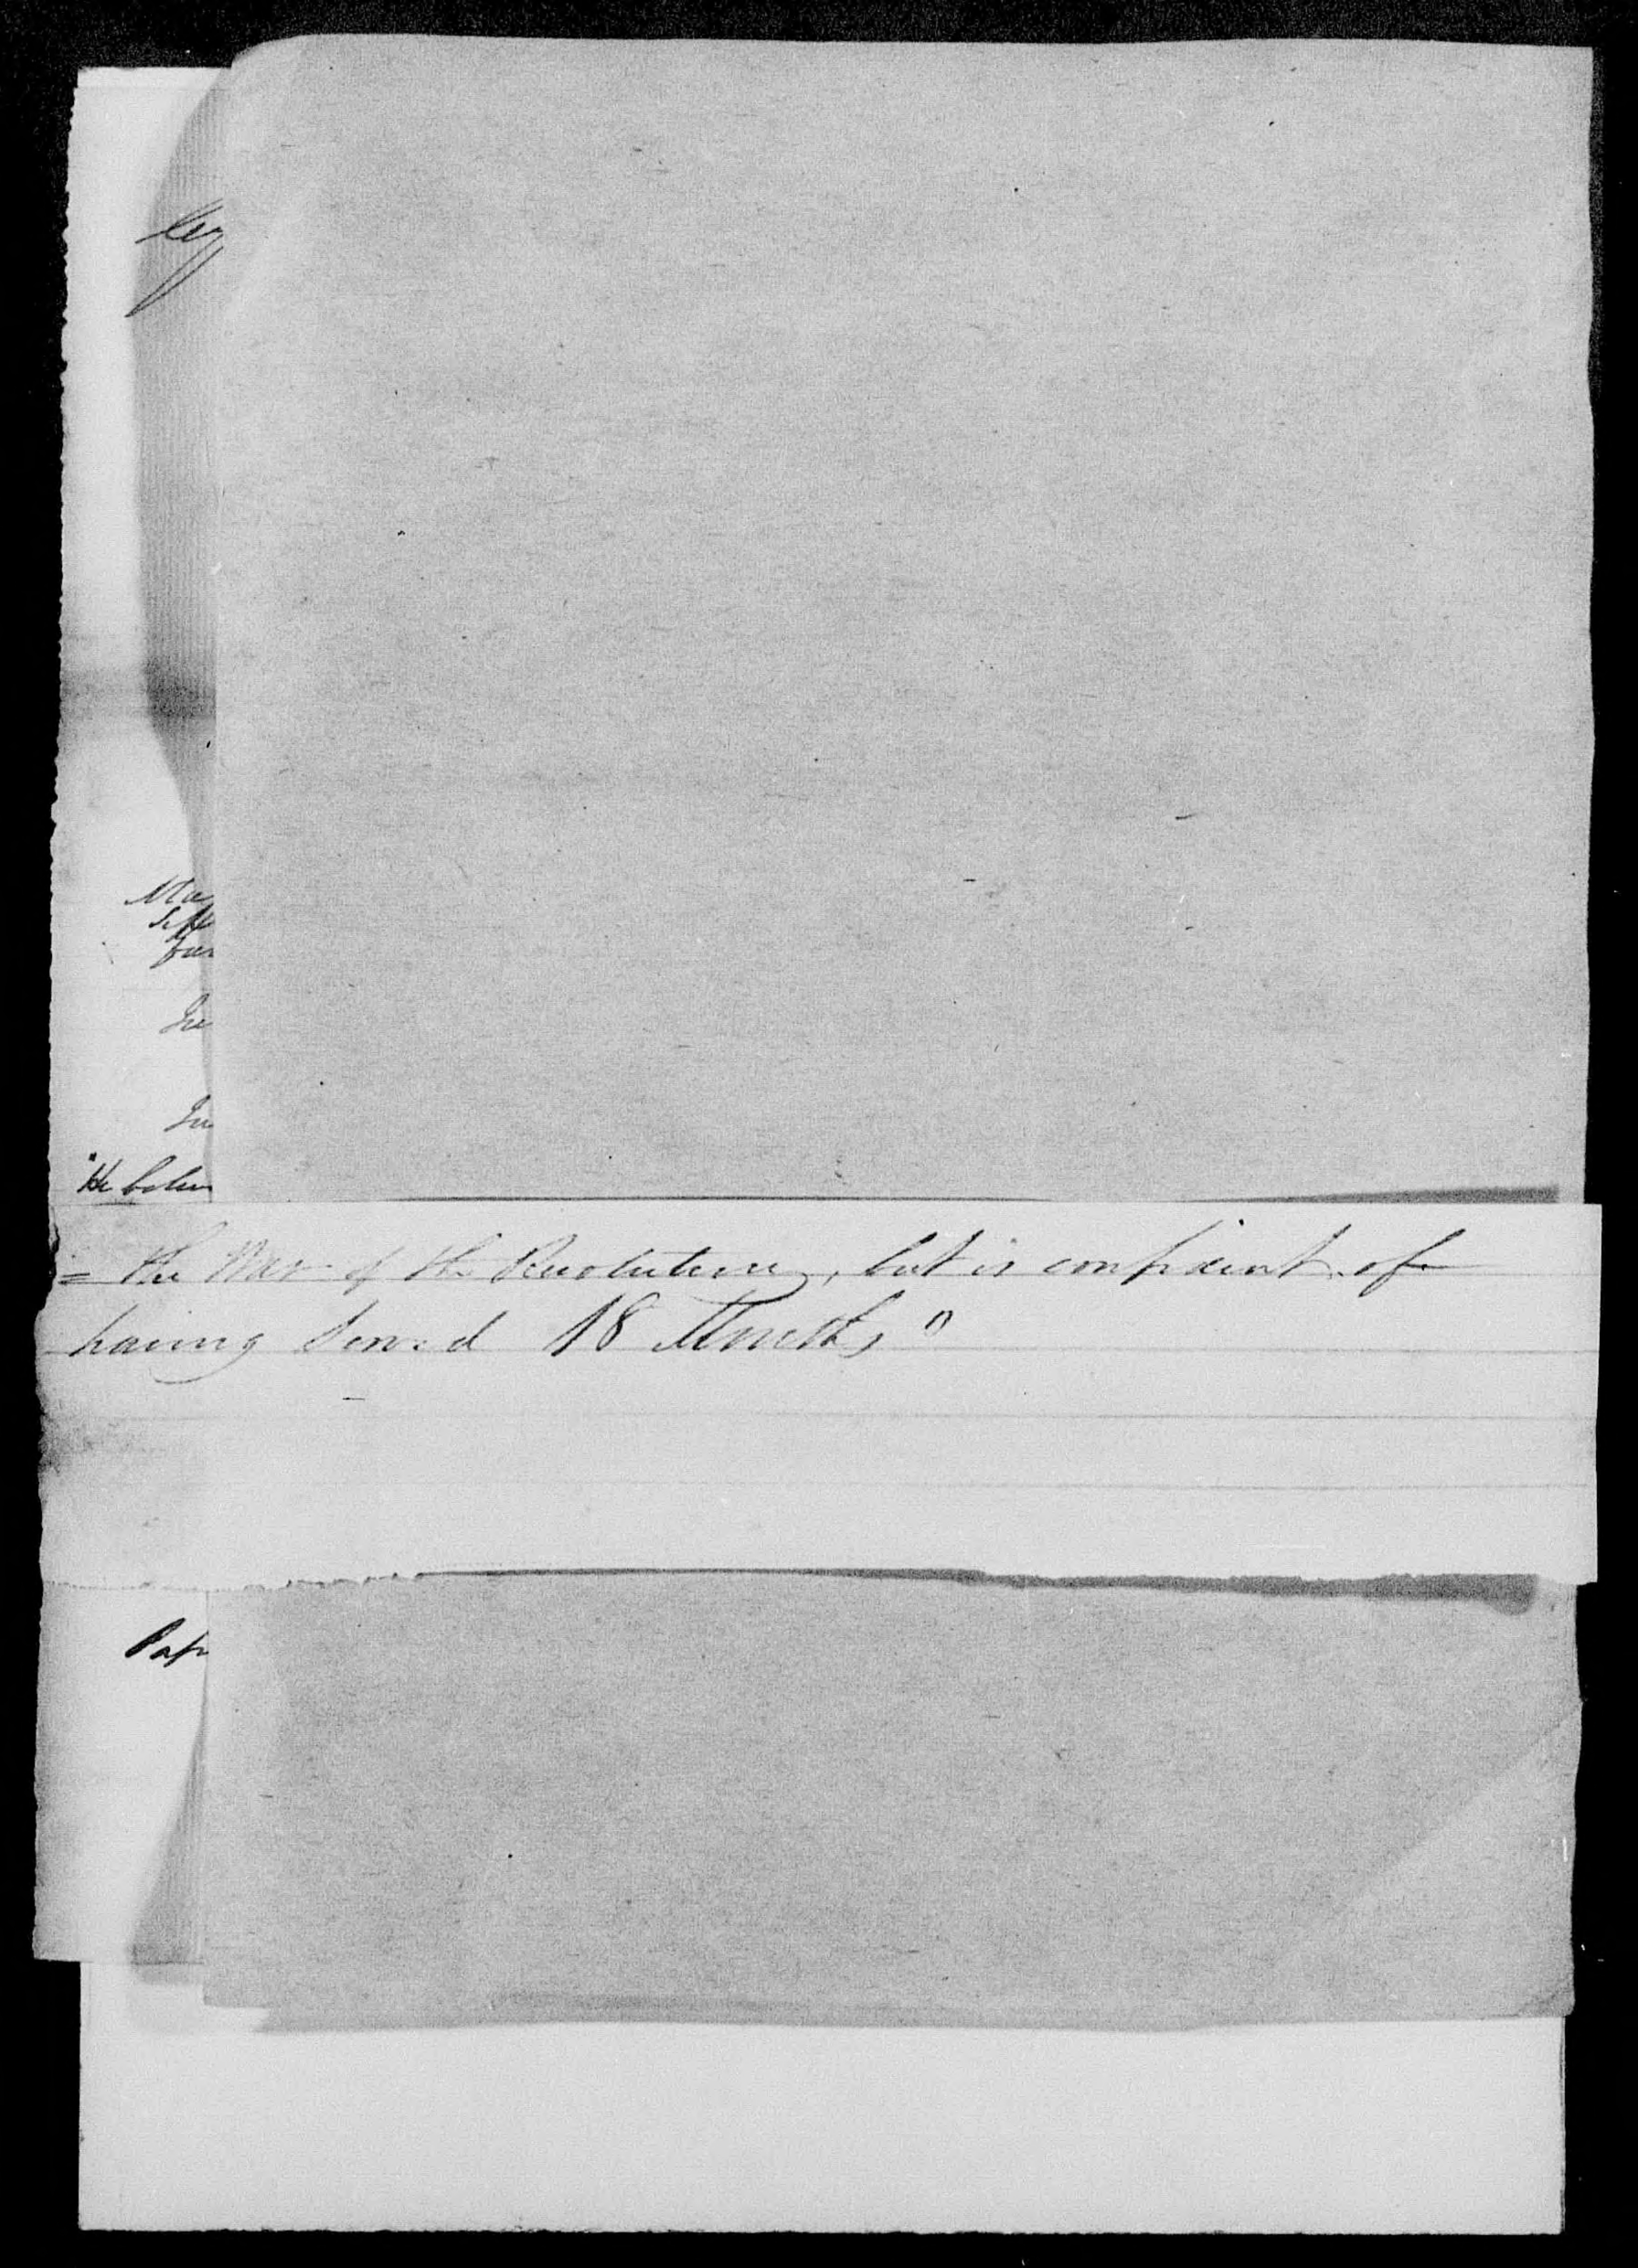The War of the Revolution, but is confident of
having served 18 Months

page: 8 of 23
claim: survivor's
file: S. 3212, Moses Condit, New Jersey